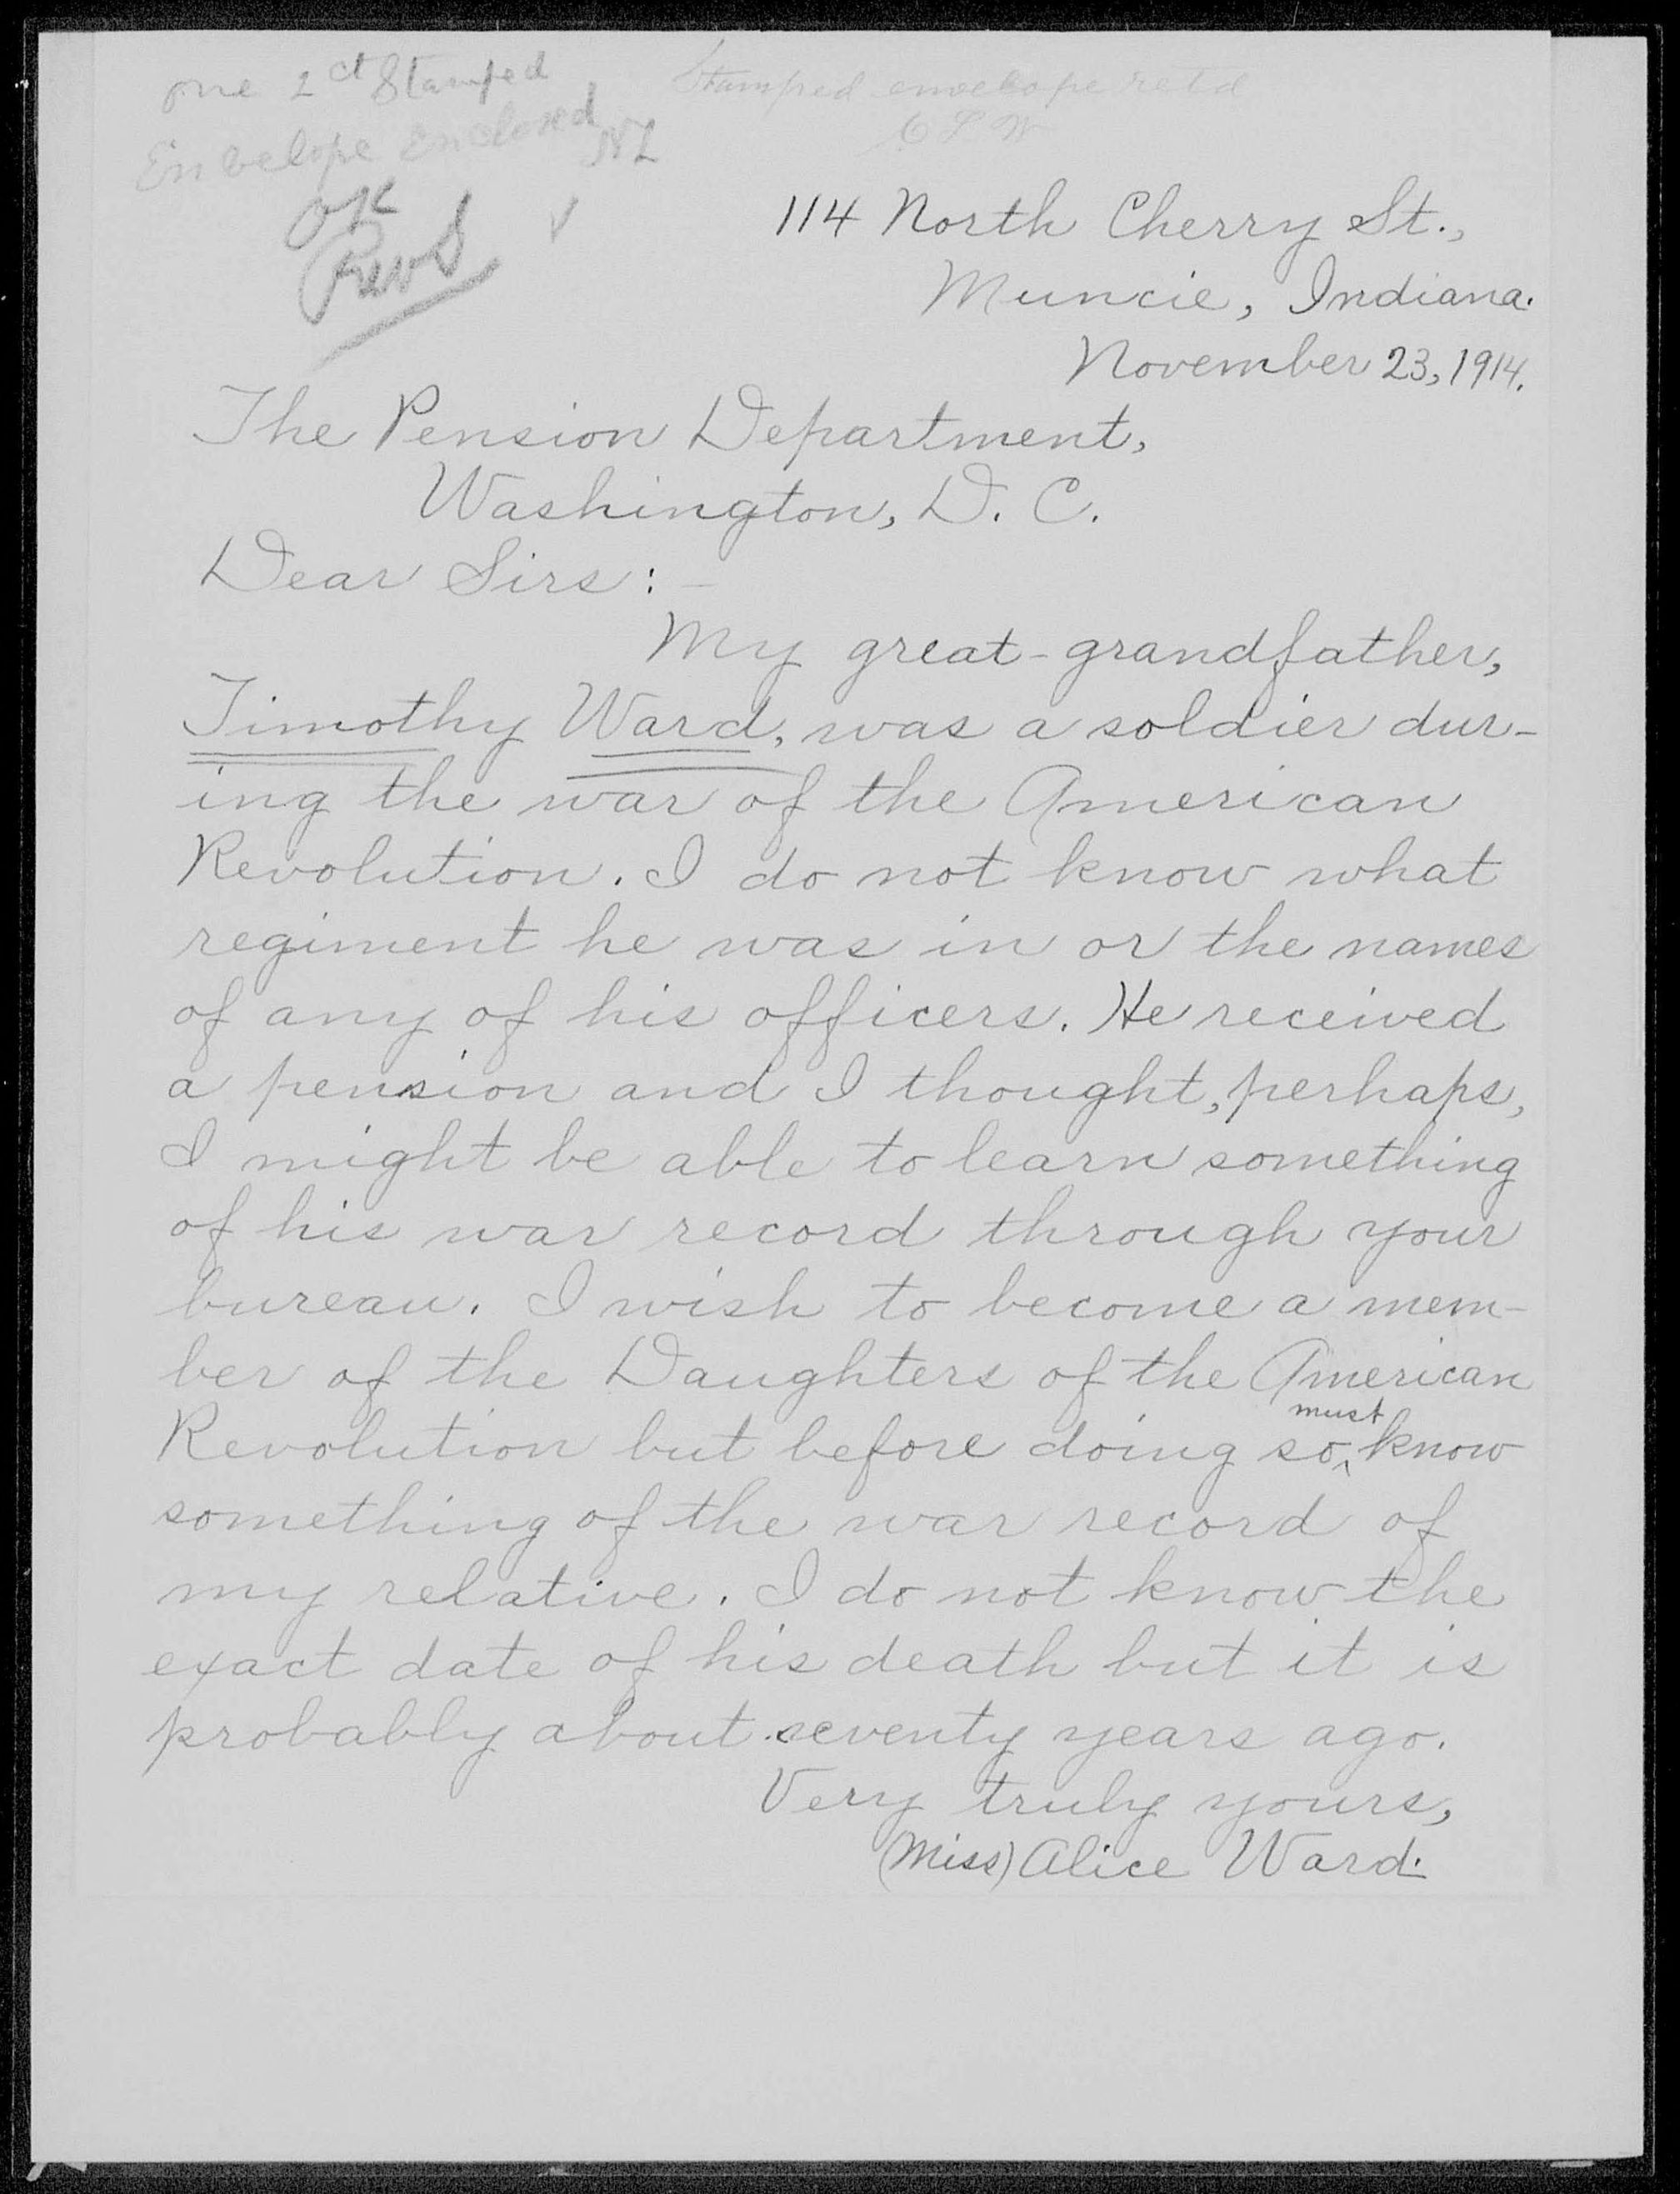one 2 ct Stamped envelope enclosed TVL
OK. RWS
Stamped envelope retd     CLW

114 North Cherry St.,
Muncie, Indiana
November 23, 1914.

The Pension Department,
Washington, D. C.
Dear Sirs:
My great grandfather, Timothy Ward, was a soldier during the war of the American Revolution.  I do not know what reqiment he was in or the names off any of his officers.  He received a pension and I thought, perhaps, I might be able to learn something of his war record through your bureau.  I wish to become a member of the Daughters of the American Revolution but before doing so must know something of the war record of my relative.  I do not know the exact date of his death but it is probably about seventy years ago.
Very truly yours,
(Miss) Alice Ward.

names: Alice Ward, Timothy Ward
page: 10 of 24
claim: survivor's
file: S. 17751, Timothy Ward, New Jersey